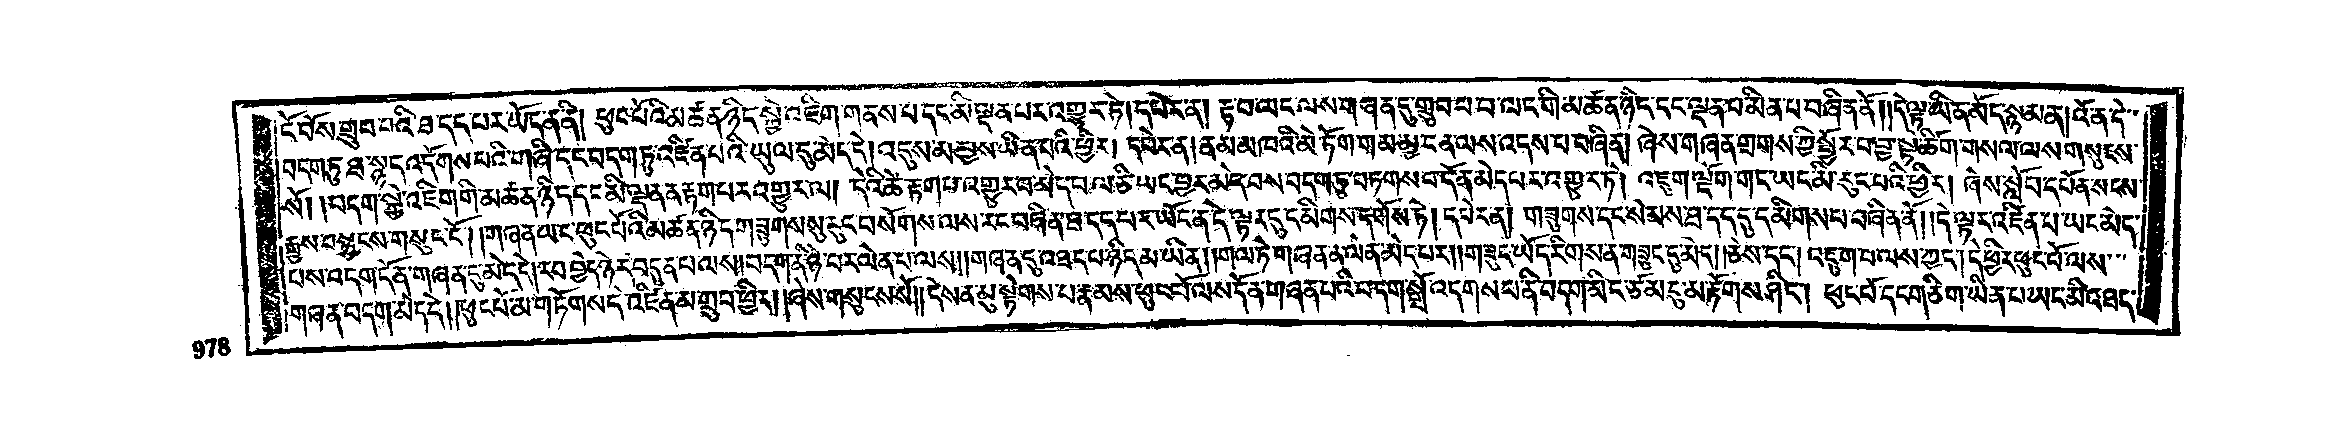ངོ་བོས་གྲུབ་པའི་ཐ་དད་པར་ཡོད་ན་ནི། ཕུང་པོའི་མཚན་ཉིད་སྐྱེ་འཇིག་གནས་པ་དང་མི་ལྡན་པར་འགྱུར་ཏེ། དཔེར་ན། རྟ་བ་ལང་ལས་གཞན་དུ་གྲུབ་པ་བ་ལང་གི་མཚན་ཉིད་དང་ལྡན་པ་མིན་པ་བཞིན་ནོ། །དེ་ལྟ་ཡིན་མོད་སྙམ་ན། འོ་ན་དེ་
བདག་ཏུ་ཐ་སྙད་འདོགས་པའི་གཞི་དང་བདག་ཏུ་འཛིན་པའི་ཡུལ་དུ་མེད་དེ། འདུས་མ་བྱས་ཡིན་པའི་ཕྱིར། དཔེར་ན། ནམ་མཁའི་མེ་ཏོག་གམ་མྱ་ངན་ལས་འདས་པ་བཞིན། ཞེས་གཞན་གྲགས་ཀྱི་སྦྱོར་བ་བྱ་སྟེ་ཚིག་གསལ་ལས་གསུངས་
སོ༑ ༑བདག་སྐྱེ་འཇིག་གི་མཚན་ཉིད་དང་མི་ལྡན་ན་རྟག་པར་འགྱུར་ལ། དེའི་ཚེ་རྟག་པ་འགྱུར་བ་མེད་པ་ལ་ཅི་ཡང་བྱར་མེད་པས་བདག་ཏུ་བཏགས་པ་དོན་མེད་པར་འགྱུར་ཏེ། འཇུག་ལྡོག་གང་ཡང་མི་རུང་བའི་ཕྱིར། ཞེས་སློབ་དཔོན་སངས་
རྒྱས་བསྐྱངས་གསུང་ངོ། །གཞན་ཡང་ཕུང་པོའི་མཚན་ཉིད་གཟུགས་སུ་རུང་བ་སོགས་ལས་རང་བཞིན་ཐ་དད་པར་ཡོད་ན་དེ་ལྟར་དུ་དམིགས་དགོས་ཏེ། དཔེར་ན། གཟུགས་དང་སེམས་ཐ་དད་དུ་དམིགས་པ་བཞིན་ནོ། །དེ་ལྟར་འཛིན་པ་ཡང་མེད་
པས་བདག་དོན་གཞན་དུ་མེད་དེ། རབ་བྱེད་ཉེར་བདུན་པ་ལས། བདག་ནི་ཉེ་བར་ལེན་པ་ལས། །གཞན་དུ་འཐད་པ་ཉིད་མ་ཡིན། །གལ་ཏེ་གཞན་ན་ལེན་མེད་པར། །གཟུང་ཡོད་རིགས་ན་གཟུང་དུ་མེད། །ཅེས་དང་། འཇུག་པ་ལས་ཀྱང་། དེ་ཕྱིར་ཕུང་པོ་ལས་
གཞན་བདག་མེད་དེ། །ཕུང་པོ་མ་གཏོགས་དེ་འཛིན་མ་གྲུབ་ཕྱིར། །ཞེས་གསུངས་སོ། །དེས་ན་མུ་སྟེགས་པ་རྣམས་ཕུང་པོ་ལས་དོན་གཞན་པའི་བདག་སྒྲོ་འདོགས་པ་ནི་བདག་མིང་ཙམ་དུ་མ་རྟོགས་ཤིང་། ཕུང་པོ་དང་གཅིག་ཡིན་པ་ཡང་མི་འཐད་